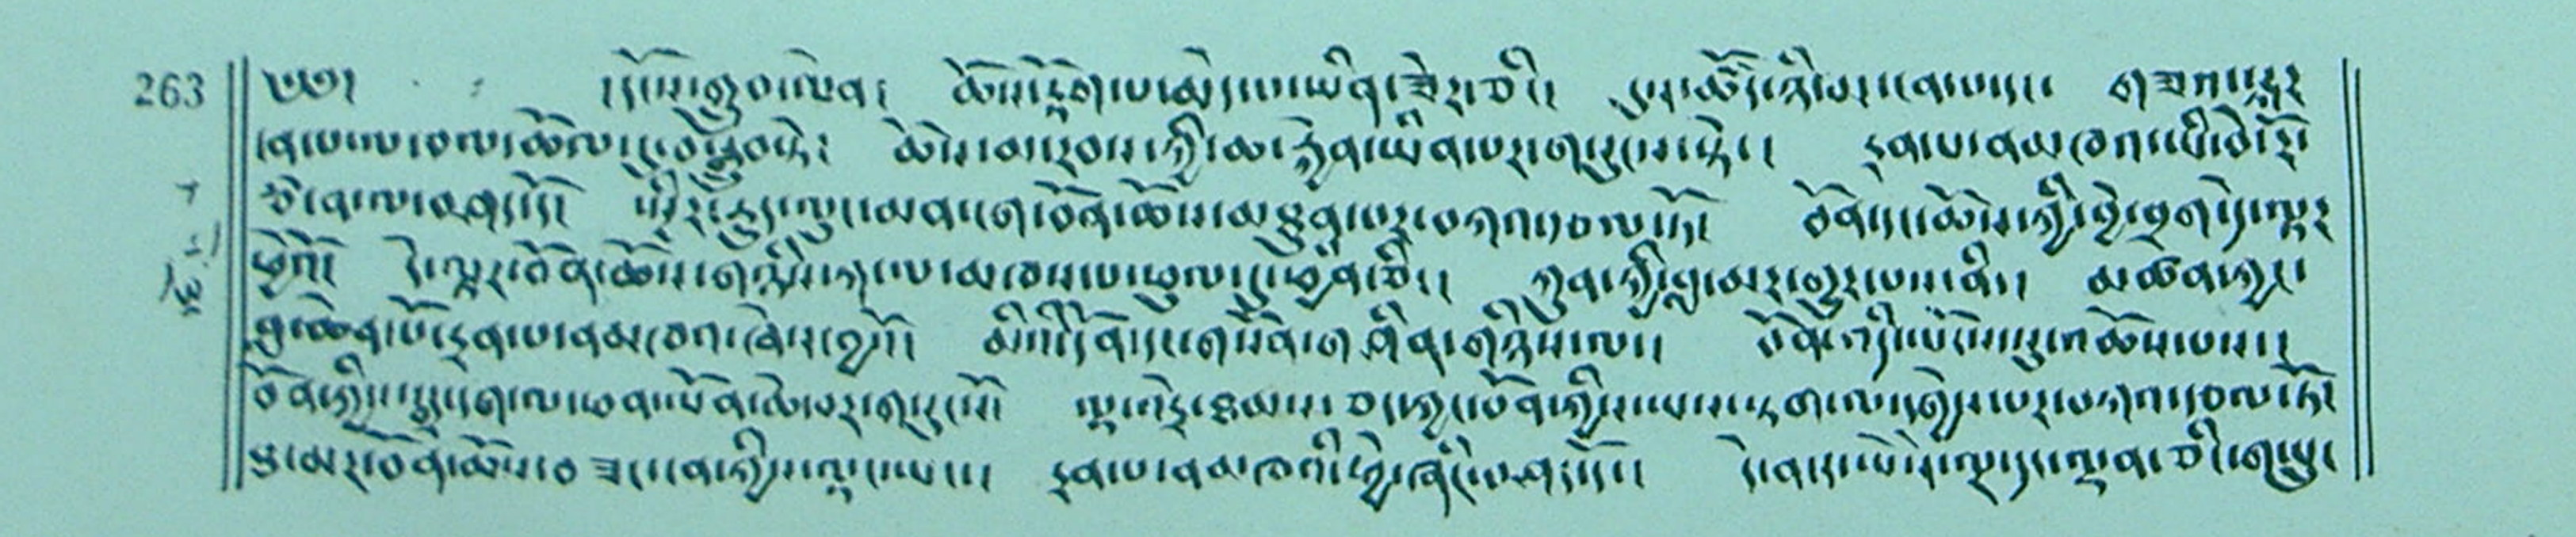༄༅། །དངོས་གྲུབ་ལེན། ཆོས་རྟོགས་པ་མེད་པ་ཡིན་ཟེར་ཅིང་། དུས་ཚོད་ཉི་མ་ངན་པ་དང་། གཟའ་སྐར་
ངན་པ་ལ་བབ་ཅོལ་དུ་བསྒྲུབ་སྟེ། ཆོས་མ་རབས་ཀྱི་ཆ་རྐྱེན་ཡིན་པར་གསུངས་ཏེ། དྲན་པ་ནམ་མཁའ་ཡི་བེ་རོ་
ཙ་ན་ལ་བཤད་དོ། །སྤྱིར་རྒྱུད་ལུང་མན་ངག་བོན་ཆོས་མཐུན་པར་བཀའ་སྩལ་ཏོ། །བོན་དང་ཆོས་ཀྱི་བཟང་ངན་བྱེ་བྲག་དེ་ལྟར་
ཕྱེའོ། །དེ་ལྟར་བོན་ཆོས་གཉིས་ཀ་ལ་མཁས་པ་ཕུལ་དུ་ཕྱིན་ཅིང་། ཀུན་ཀྱི་བླ་མར་གྱུར་པས་ནི། མཚན་ཀྱང་
བླ་ཆེན་པོ་དྲན་པ་ནམ་མཁའ་ཞེས་བྱའོ། །མིའི་དོན་དང་གསོན་གཤིན་གཉིས་ལ། བོན་འདི་ཡོངས་སུ་འཆོས་པས། 
བོན་གྱི་སྒྲ་དག་ལ་ཕན་ཡོན་ཆེ་བར་གསུངས་སོ། །ལྷ་འདྲེ་ཐམས་ཅད་ཀྱང་བོན་གྱི་ཡས་སྟགས་ལ་དགྱེས་པར་བཀའ་སྩལ་ཏོ།
 ཐ་མར་བོན་ཆོས་བཟང་ངན་གྱི་ལྟང་ཡང་། དྲན་པ་ནམ་མཁའི་ཕྱེ་ཞིང་བཤད་དོ། །དེ་ནས་ཡེ་ཤེས་ལྔ་དང་ལྡན་ཅིང་གཡུང་དྲུང་